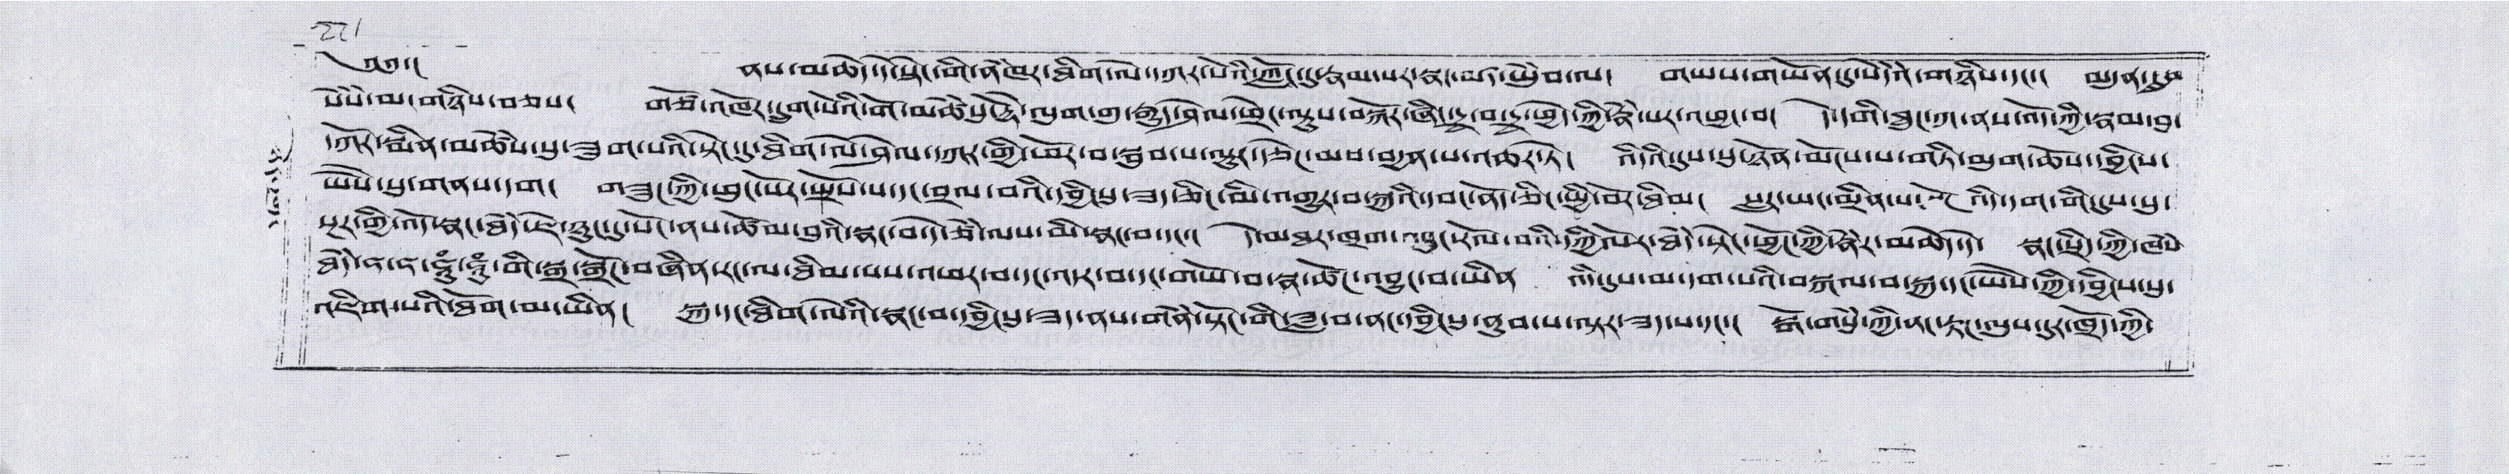ནས་མཆེད་དེ་སྟེང་གི་ནམ་མཁར་ཐིག་ལེ་དཀར་པོའི་ཀློང་དུ་རྣམ་པར་སྣང་མཛད་ཡབ་ཡུམ་ལ། གཡས་གཡོན་དུ་སེམས་དཔའི་གཉིས་དང། མདུན་དུ་
སེམས་མ་གཉིས་བཅས། གཙོ་འཁོར་དྲུག་པོའི་གོ་མཚམས་སུ་རྡོ་རྗེ་ལུག་གུ་རྒྱུད་ཤེལ་ཕྲེང་ལྟ་བུས་བསྐོར་ཞིང་དྲྭ་བ་དྲྭ་ཕྱེད་ཀྱི་རྣམ་པར་འཕྱང་བ། དེ་དག་གི་ཐུང་ཀ་ནས་འོད་ཀྱི་སྣམ་བུ་
དཀར་པོ་སྨིན་མཚམས་སུ་ཟུག་པའི་སྟེང་དུ་ཐིག་ལེ་ཤེལ་དཀར་གྱི་ཕོར་བ་སྦུབ་པ་ལྟ་བུར་རྩེགས་མས་བརྒྱན་པ་འཆར་ཏེ། འདིའི་དུས་སུ་ཉོན་མོངས་པ་གཏི་མུག་ཆོས་དབྱིངས་
ཡེ་ཤེས་སུ་གནས་དག གཟུགས་ཀྱི་ཕུང་པོར་སྤྲོས་པ་དང་བྲལ་བའི་དབྱིངས་སུ་ཟད་ཅིང་མི་འགྱུར་བ་སྐུའི་དབང་ནོད་ཅིང་སྤྱི་བོར་ཐིམ། སླར་ཡང་མགྲིན་པ་སོགས་འདི་དག་གི་དུས་སུ་
སྔར་གྱི་འོད་སྣང་ཐམས་ཅད་ཇེ་ཉུང་དུ་སོང་ནས་ཚོམ་བུའི་སྣང་བ་དེ་ཙམ་ལས་མི་སྣང་བ་དང། དེ་མཐར་ཁྲག་འཐུང་རོལ་བའི་དཀྱིལ་འཁོར་ཐམས་ཅད་སྟེང་ཕྱོགས་ཀྱི་རྣམ་པར་མཆོད་དེ། སྣང་སྲིད་ཀྱི་ཁམས་
ཐམས་ཅད་ཧ་ཧ་ཧཱུཾ་ཧཱུཾ་གི་སྒྲ་སྒྲོགས་བཞིན་རང་ལ་ཐིམ་པས་འཕར་བ་དང་འདར་བ་དང་གཡོ་བ་སྣ་ཚོགས་འབྱུང་བ་ཡིན། འདི་དུས་མ་དག་པའི་བསྐལ་བ་སྐུ་དང་ཡེ་ཤེས་ཀྱི་དབྱིངས་སུ་
འཇིག་པའི་ཐོག་མ་ཡིན། སྐུ་དང་ཐིག་ལེའི་སྣང་བ་དབྱིངས་སུ་ཟད་ནས་གནམ་སྟོང་གི་ཟླ་བ་ནང་དབྱིངས་སུ་ནུབ་པ་ལྟར་ཟད་པ་དང། སྒོ་གསུམ་གྱི་ནང་རྟགས་ལུས་དུར་ཁྲོད་ཀྱི་